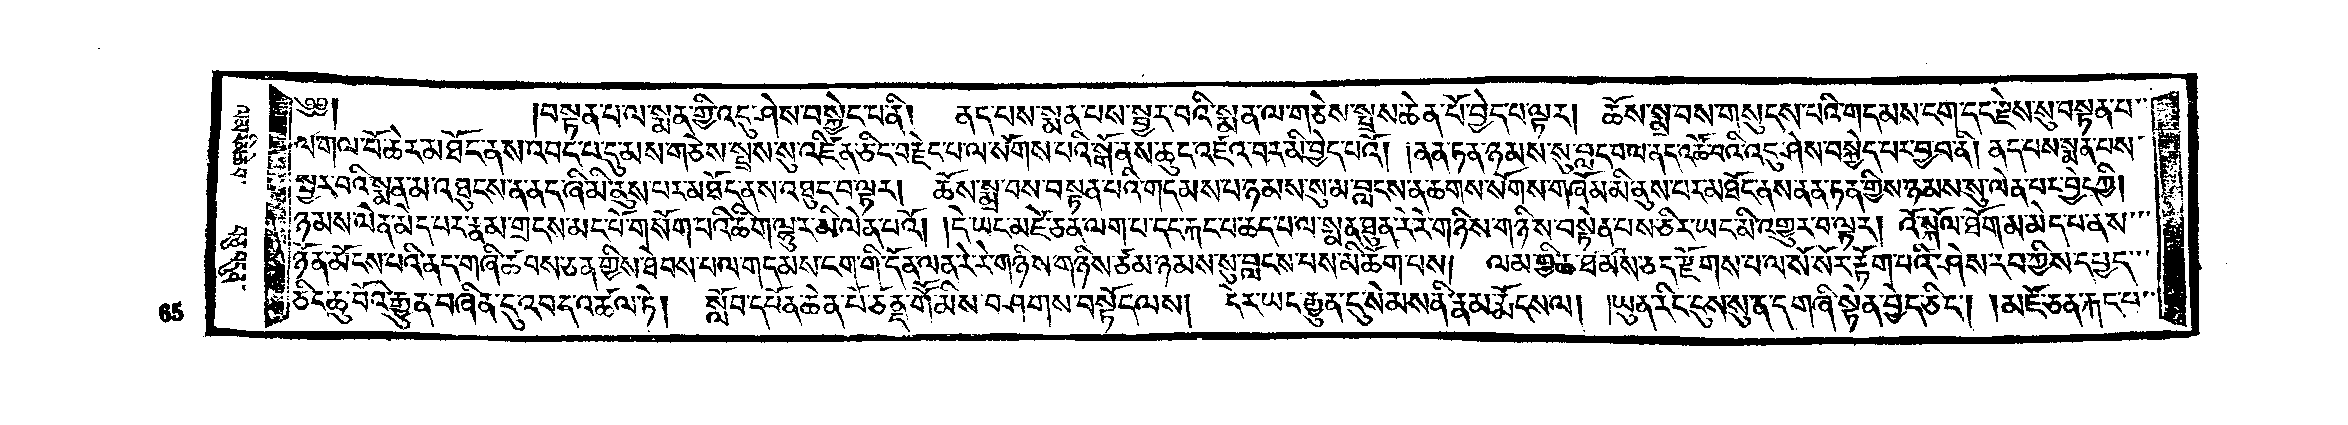༄༅། །བསྟན་པ་ལ་སྨན་གྱི་འདུ་ཤེས་བསྐྱེད་པ་ནི། ནད་པས་སྨན་པས་སྦྱར་བའི་སྨན་ལ་གཅེས་སྤྲས་ཆེན་པོ་བྱེད་པ་ལྟར། ཆོས་སྨྲ་བས་གསུངས་པའི་གདམས་ངག་དང་རྗེས་སུ་བསྟན་པ་
ལ་གལ་པོ་ཆེར་མཐོང་ནས་འབད་པ་དུ་མས་གཅེས་སྤྲས་སུ་འཛིན་ཅིང་བརྗེད་པ་ལ་སོགས་པའི་སྒོ་ནས་ཆུད་འཛའ་བར་མི་བྱེད་པའོ། །ནན་ཏན་ཉམས་སུ་བླང་བ་ལ་ནད་འཚོ་བའི་འདུ་ཤེས་བསྐྱེད་པར་བྱ་བ་ནི། ནད་པས་སྨན་པས་
སྦྱར་བའི་སྨན་མ་འཐུངས་ན་ནད་ཞི་མི་ནུས་པར་མཐོང་ནས་འཐུང་བ་ལྟར། ཆོས་སྨྲ་བས་བསྟན་པའི་གདམས་པ་ཉམས་སུ་མ་བླངས་ན་ཆགས་སོགས་གཞོམ་མི་ནུས་པར་མཐོང་ནས་ནན་ཏན་གྱིས་ཉམས་སུ་ལེན་པར་བྱེད་ཀྱི།
ཉམས་ལེན་མེད་པར་རྣམ་གྲངས་མང་པོ་གསོག་པའི་ཚིག་ལྷུར་མི་ལེན་པའོ། །དེ་ཡང་མཛེ་ཅན་ལག་པ་དང་རྐང་པ་ཆད་པ་ལ་སྨན་ཐུན་རེ་རེ་གཉིས་གཉིས་བསྟེན་པས་ཅིར་ཡང་མི་འགྱུར་བ་ལྟར། འོ་སྐོལ་ཐོག་མ་མེད་པ་ནས་
ཉོན་མོངས་པའི་ནད་གཞི་ཚབས་ཅན་གྱིས་ཐེབས་པ་ལ་གདམས་ངག་གི་དོན་ལན་རེ་རེ་གཉིས་གཉིས་ཙམ་ཉམས་སུ་བླངས་པས་མི་ཆོག་པས། ལམ་གྱི་ཆ་ཐམས་ཅད་རྫོགས་པ་ལ་སོ་སོར་རྟོག་པའི་ཤེས་རབ་ཀྱིས་དཔྱད་
ཅིང་ཆུ་བོའི་རྒྱུན་བཞིན་དུ་འབད་འཚལ་ཏེ། སློབ་དཔོན་ཆེན་པོ་ཙནྡྲ་གཽ་མིས་བཤགས་བསྟོད་ལས། དེར་ཡང་རྒྱུན་དུ་སེམས་ནི་རྣམ་རྨོངས་ལ། །ཡུན་རིང་དུས་སུ་ནད་གཞི་སྟེན་བྱེད་ཅིང་། །མཛེ་ཅན་རྐང་པ་